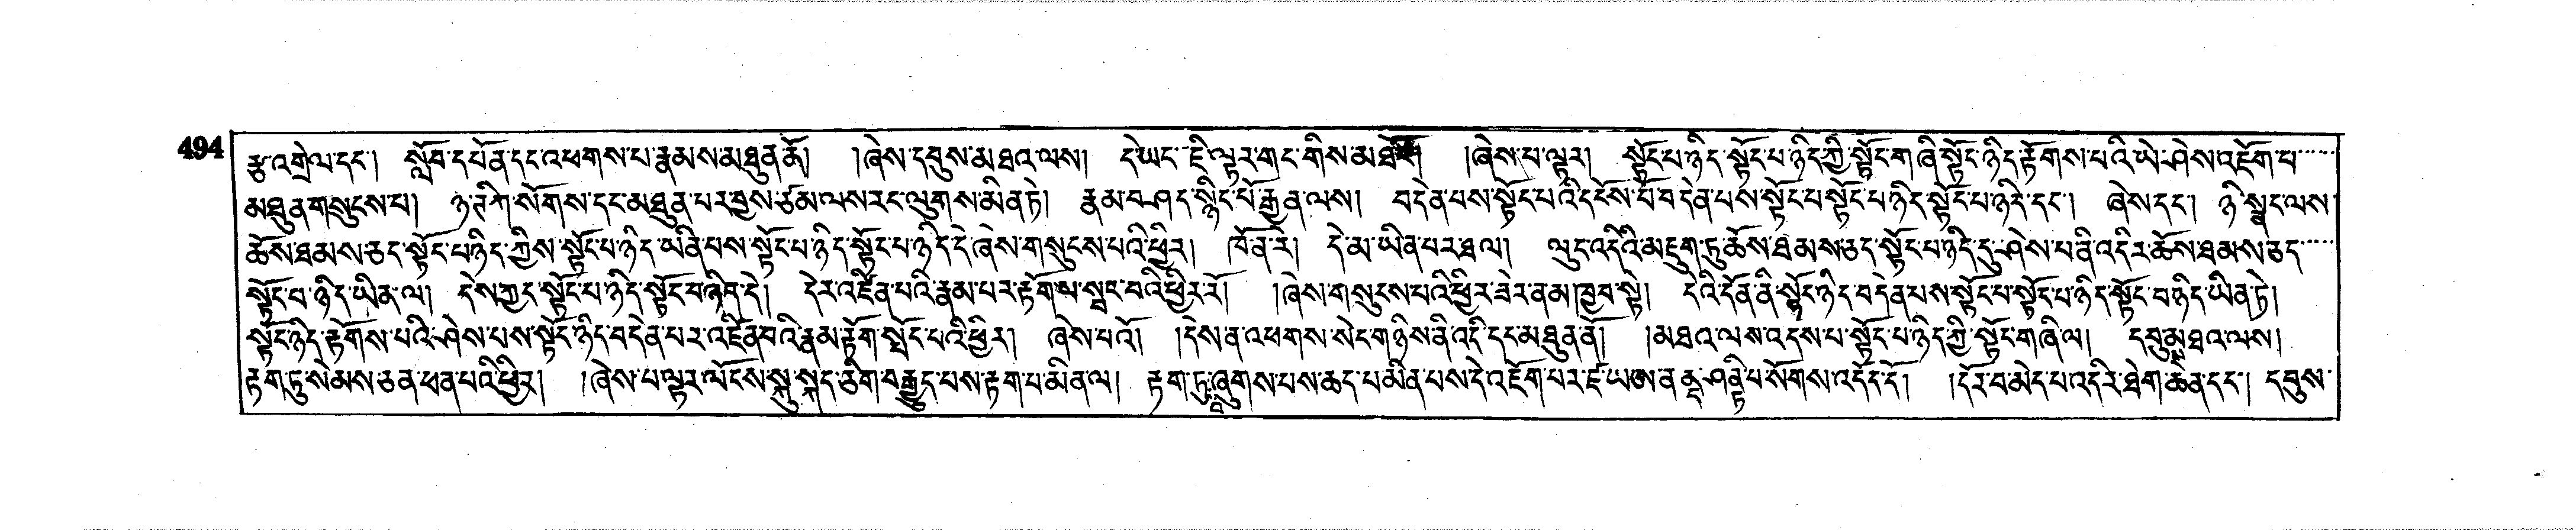རྩ་འགྲེལ་དང་། སློབ་དཔོན་དང་འཕགས་པ་རྣམས་མཐུན་ནོ། །ཞེས་དབུས་མཐའ་ལས། དེ་ཡང་ཇི་ལྟར་གང་གིས་མཐོང་། །ཞེས་པ་ལྟར། སྟོང་པ་ཉིད་སྟོང་པ་ཉིད་ཀྱི་སྟོང་གཞི་སྟོང་ཉིད་རྟོགས་པའི་ཡེ་ཤེས་འཇོག་པ་
མཐུན་གསུངས་པ། ཉ་ཊིཀ་སོགས་དང་མཐུན་པར་བྱས་ཙམ་ལས་རང་ལུགས་མིན་ཏེ། རྣམ་བཤད་སྙིང་པོ་རྒྱན་ལས། བདེན་པས་སྟོང་པའི་དངོས་པོ་བདེན་པས་སྟོང་པ་སྟོང་པ་ཉིད་དང་། ཞེས་དང་། ཉི་སྣང་ལས་
ཆོས་ཐམས་ཅད་སྟོང་པ་ཉིད་ཀྱིས་སྟོང་པ་ཉིད་ཡིན་པས་སྟོང་པ་ཉིད་སྟོང་པ་ཉིད་དེ་ཞེས་གསུངས་པའི་ཕྱིར། ཁོ་ན་རེ། དེ་མ་ཡིན་པར་ཐལ། ལུང་འདིའི་མཇུག་ཏུ་ཆོས་ཐམས་ཅད་སྟོང་པ་ཉིད་དུ་ཤེས་པ་ནི་འདིར་ཆོས་ཐམས་ཅད་
སྟོང་པ་ཉིད་ཡིན་ལ། དེས་ཀྱང་སྟོང་པ་ཉིད་སྟོང་པ་ཉིད་དེ། དེར་འཛིན་པའི་རྣམ་པར་རྟོགས་པ་སྤང་བའི་ཕྱིར་རོ། །ཞེས་གསུངས་པའི་ཕྱིར་ཟེར་ན་མ་ཁྱབ་སྟེ། དེའི་དོན་ནི་སྟོང་ཉིད་བདེན་པས་སྟོང་པ་སྟོང་པ་ཉིད་སྟོང་བ་ཉིད་ཡིན་ཏེ།
སྟོང་ཉིད་རྟོགས་པའི་ཤེས་པས་སྟོང་ཉིད་བདེན་པར་འཛིན་པའི་རྣམ་རྟོག་སྤོང་པའི་ཕྱིར། ཞེས་པའོ། །དེས་ན་འཕགས་སེང་གཉིས་ནི་འདི་དང་མཐུན་ནོ། །མཐའ་ལས་འདས་པ་སྟོང་པ་ཉིད་ཀྱི་སྟོང་གཞི་ལ། དབུས་མཐའ་ལས།
རྟག་ཏུ་སེམས་ཅན་ཕན་པའི་ཕྱིར། །ཞེས་པ་ལྟར་ལོངས་སྐུ་སྐད་ཅིག་བརྒྱུད་པས་རྟག་པ་མིན་ལ། རྟག་ཏུ་བཞུགས་པས་ཆད་པ་མིན་པས་དེ་འཇོག་པར་ཛ་ཡ་ཨ་ནནད་ཤནྟི་པ་སོགས་འདོད་དོ། །དོར་བ་མེད་པ་འདིར་ཐེག་ཆེན་དང་། དབུས་